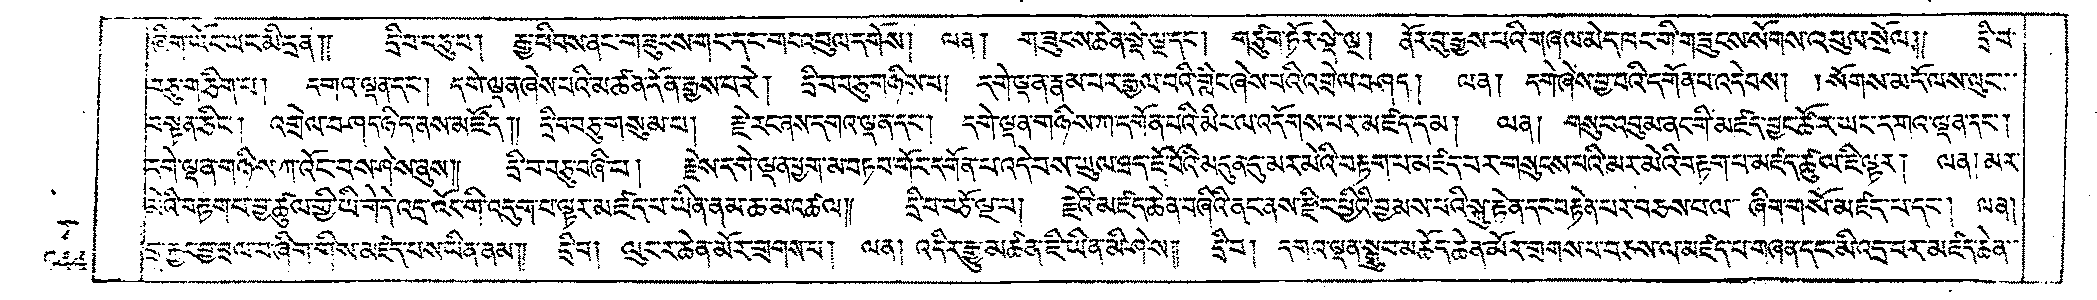ཞིག་ཡོང་ཡང་མི་དྲན།། དྲི་བ་བཅུ་པ། རྒྱ་ཕིབས་ནང་གཟུངས་གང་དང་གང་འབུལ་དགོས། ལན། གཟུངས་ཆེན་སྡེ་ལྔ་དང་། གཙུག་ཏོར་སྡེ་ལྔ། ནོར་བུ་རྒྱས་པའི་གཞལ་མེད་ཁང་གི་གཟུངས་སོགས་འབུལ་སྲོལ།། དྲི་བ་
བཅུ་གཅིག་པ། དགའ་ལྡན་དང་། དགེ་ལྡན་ཞེས་པའི་མཚན་དོན་རྒྱས་པ་རེ། དྲི་བ་བཅུ་གཉིས་པ། དགེ་ལྡན་རྣམ་པར་རྒྱལ་བའི་གླིང་ཞེས་པའི་འགྲེལ་བཤད། ལན། དགེ་ཞེས་བྱ་བའི་དགོན་པ་འདེབས། །སོགས་མདོ་ལས་ལུང་་་
བསྟན་ཅིང་། འགྲེལ་བཤད་ཉིད་ནས་མཛོད།། དྲི་བ་བཅུ་གསུམ་པ། རྗེ་རང་ནས་དགའ་ལྡན་དང་། དགེ་ལྡན་གཉིས་ཀ་དགོན་པའི་མིང་ལ་འདོགས་པར་མཛད་དམ། ལན། གསུང་འབུམ་ནང་གི་མཛད་བྱང་ཚོར་ཡང་དགའ་ལྡན་དང་།
དགེ་ལྡན་གཉིས་ཀ་འོང་བས་ཤེས་ནུས།། དྲི་བ་བཅུ་བཞི་པ། རྗེས་དགེ་ལྡན་ཕྱག་མ་བཏབ་གོང་དགོན་པ་འདེབས་ཡུལ་ཐད་ཇོ་བོའི་མདུན་དུ་མར་མེའི་བརྟག་པ་མཛད་པར་གསུངས་པའི་མར་མེའི་བརྟག་པ་མཛད་ཚུལ་ཇི་ལྟར། ལན། མར་
མེའི་བརྟག་པ་བྱ་ཚུལ་གྱི་ཡི་གེ་དེ་འདྲ་འོང་གི་འདུག་པ་ལྟར་མཛད་པ་ཡིན་ནམ་ཆ་མ་འཚལ།། དྲི་བ་བཅོ་ལྔ་པ། རྗེའི་མཛད་ཆེན་བཞིའི་ནང་ནས་རྫིང་ཕྱིའི་བྱམས་པའི་སྐུ་རྟེན་དང་བརྟེན་པར་བཅས་པ་ལ་ཞིག་གསོ་མཛད་པ་དང་། ལན།
གྲྭ་རྐྱང་བྱ་བྲལ་བ་ཞིག་གིས་མཛད་པས་ཡིན་ནམ།། དྲི་བ། ལུང་ར་ཆེན་མོར་གྲགས་པ། ལན། འདིར་རྒྱུ་མཚན་ཇི་ཡིན་མི་ཤེས།། དྲི་བ། དགའ་ལྡན་སྒྲུབ་མཆོད་ཆེན་མོར་གྲགས་པ་བཅས་ལ་མཛད་པ་གཞན་དང་མི་འདྲ་བར་མཛད་ཆེན་་་